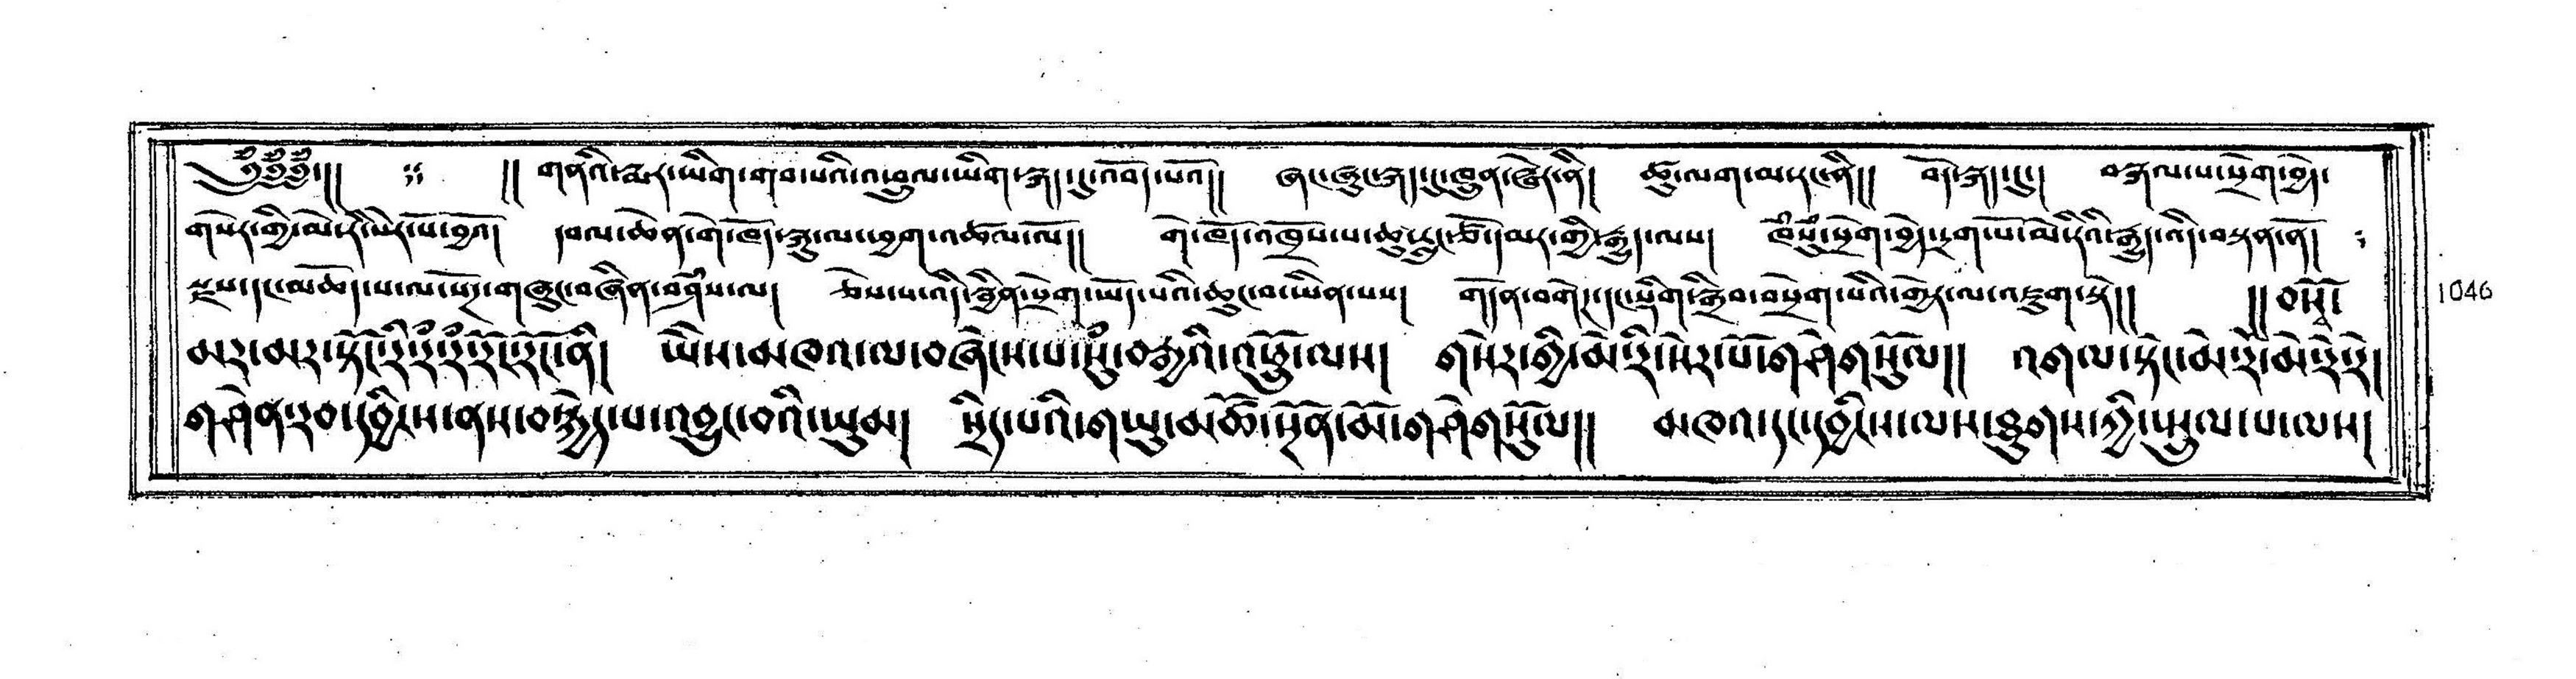༄༅༅།། །།གནའི་སྨར་ཡིག་གབ་པའི་འཕྲུལ་ཡིག་སྐད་དུ་འབོད་པའོ།། ཞང་ཞུང་སྐད་དུ་ཁྲུན་ཝེར་ནི། ཚུ་ལག་མ་རང་ནི།། བོད་སྐད་དུ། བསྐལ་པ་སྲེག་བྱེད་
གསེར་གྱི་མེ་རི་སེར་པོ་བྱའོ། དབལ་ཆེན་གེ་ཁོད་སྐུ་ལ་ཕྱག་འཚལ་ལོ།། གེ་ཁོད་འཁྲོས་པ་ཆུ་རླུང་ཙོ་དམར་གྱི་རྒྱུད་ལས། ཁམས་གསུམ་སྲེག་བྱེད་དྲག་པོ་མེ་རིའི་རྒྱུད་འདི་བསྟན་ནོ། 
རྫས་དང་མཆོད་པ་ལ་སོགས་གཞུང་བཞིན་བཤམས་ལ། ཅེས་པ་འདི་སྦྱིན་སྲེག་ཡོད་པའི་ཆུང་བ་ཡིན་པས། གདོན་བགེགས་དང་སྡིག་སྒྲིབ་བསྲེག་པའི་གྱེར་ལ་འཇུག་སྟེ།། །།བསྭོ་
མར་མར་སྟོང་རི་རཾ་རཾ་རོང་རོང་ནི། ཡེ་ཤེས་མཁའ་ལ་བཞེངས་པ་སུམ་བརྒྱའི་འཕྲོ་འདུ་ལས། གསེར་གྱི་མེ་རི་སེར་པོ་གཤེགས་སུ་གསོལ།། འགལ་སྟེང་མེ་རེ་མེ་རེ་རེ། 
གཤེན་རབ་དབྱིངས་ནས་བསྐྱེད་པ་འབྱུང་བའི་ཡུམ། སྲིད་པའི་གཡུ་མཚོ་སྔོན་མོ་གཤེགས་སུ་གསོལ།། མཁའ་དང་དབྱིངས་ལས་ཐུགས་ཀྱི་སྤྲུལ་པ་ལས།